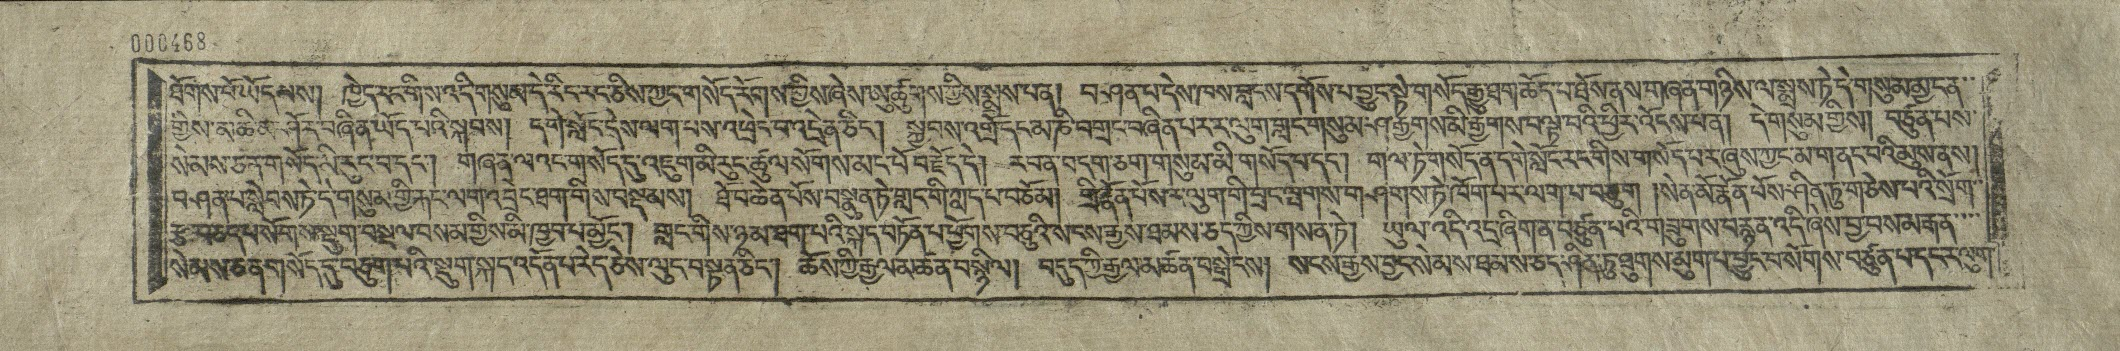ཐོགས་པོ་ཡོད་པས། ཁྱེད་རང་གིས་འདི་གསུམ་དེ་རིང་རང་ཅིས་ཀྱང་གསོད་རོགས་གྱིས་ཞེས་ཨུ་ཚུགས་ཀྱིས་སྨྲས་པ་ན། བཤན་པ་དེས་ཁས་བླངས་དགོས་པ་བྱུང་སྟེ་གསོད་རྒྱུ་ཐག་ཆོད་པ་ཐོས་ནས་གཞན་གཉིས་ལ་སྨྲས་ཏེ་དེ་གསུམ་མྱ་ངན་
གྱིས་མཆི་མ་ཤོར་བཞིན་ཡོད་པའི་སྐབས། དགེ་སློང་དེས་ལག་པས་འཕྲེང་བ་འདྲེན་ཅིང་། སྐྱབས་འགྲོ་དང་མ་ཎི་བགྲང་བཞིན་པར་ར་ལུག་གླང་གསུམ་ཤ་རྒྱགས་མི་རྒྱགས་བལྟ་བའི་ཕྱིར་འོངས་པ་ན། དེ་གསུམ་གྱིས། བཙུན་པས་
སེམས་ཅན་གསོད་མི་རུང་བ་དང་། གཞན་ལའང་གསོད་དུ་འཇུག་མི་རུང་ཚུལ་སོགས་མང་པོ་བརྗོད་དེ། རབ་ན་བདག་ཅག་གསུམ་མི་གསོད་པ་དང་། གལ་ཏེ་གསོད་ན་དགེ་སློང་རང་གིས་གསོད་པར་ཞུས་ཀྱང་མ་གནང་བའི་མུས་ནས།
བཤན་པ་སླེབས་ཏེ་དེ་གསུམ་གྱི་རྐང་ལག་འབྲེང་ཐག་གིས་བསྡམས། ཐོ་བ་ཆེན་པོས་བསྣུན་ཏེ་གླང་གི་ཀླད་པ་བཅོམ། གྲི་རྣོན་པོས་ར་ལུག་གི་བྲང་ལྤགས་གཤགས་ཏེ་ཁོག་པར་ལག་པ་བཅུག །སེན་མོ་རྣོན་པོས་ཤིན་ཏུ་གཅེས་པའི་སྲོག་
རྩ་བཅད་པ་སོགས་སྡུག་བསྔལ་བསམ་གྱིས་མི་ཁྱབ་པ་མྱོང་། གླང་གིས་ཉམ་ཐག་པའི་སྐད་བཏོན་པ་ཕྱོགས་བཅུའི་སངས་རྒྱས་ཐམས་ཅད་ཀྱིས་གསན་ཏེ། ཡུལ་འདི་འདྲ་ཞིག་ན་བཙུན་པའི་གཟུགས་བརྙན་འདི་ཞེས་བྱ་བས་མ་རྒན་
སེམས་ཅན་གསོད་དུ་བཅུག་པའི་སྡུག་སྐད་འདོན་པ་རེད་ཅེས་ལུང་བསྟན་ཅིང་། ཆོས་ཀྱི་རྒྱལ་མཚན་བསྙིལ། བདུད་ཀྱི་རྒྱལ་མཚན་བསྒྲེངས། སངས་རྒྱས་བྱང་སེམས་ཐམས་ཅད་ཤིན་ཏུ་ཐུགས་མུག་པ་བྱུང་བ་སོགས་བཙུན་པ་དང་ར་ལུག་